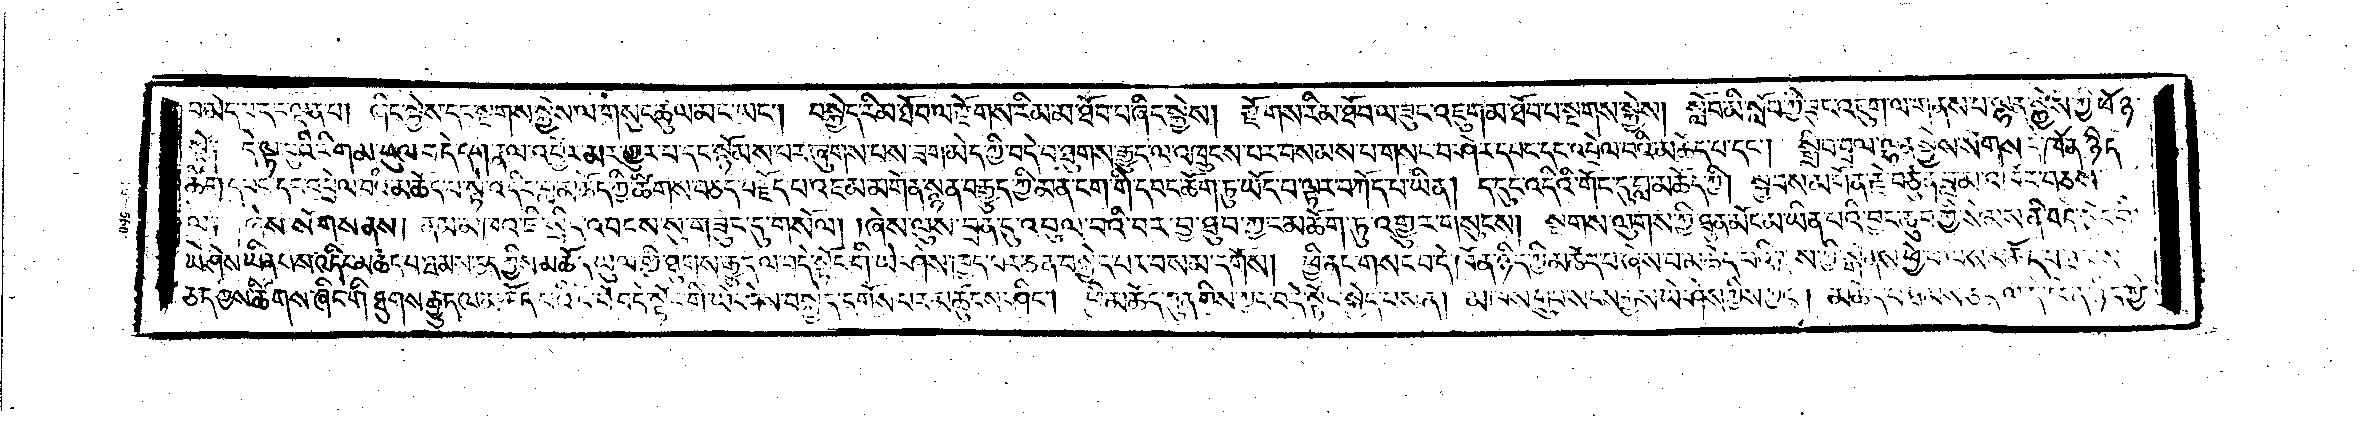བ་མེད་པ་དང་ལྡན་པ། ཞིང་སྐྱེས་དང་སྔགས་སྐྱེས་ལ་གསུང་ཚུལ་མེད་ཡང་། བསྐྱེད་རིམ་ཐོབ་ལ་རྫོགས་རིམ་མ་ཐོབ་པ་ཞིང་སྐྱེས། རྫོགས་རིམ་ཐོབ་ལ་ཟུང་འཇུག་མ་ཐོབ་ལ་སྔགས་སྐྱེས། སློབ་མི་སློབ་ཀྱི་ཟུང་འཇུག་ལ་གནས་པ་ལྷན་སྐྱེས་ཀྱི་ཕོ་ཉ་
སྟེ༑ དེ་ལྟ་བུའི་རིག་མ་ཕུལ་བ་དེ་དག་རྣལ་འབྱོར་མར་གྱུར་པ་དད་སྙོམས་པར་ཞུགས་པས་ཟག་མེད་ཀྱི་བདེ་བ་ཐུགས་རྒྱུད་ལ་འཁྲུངས་པར་བསམས་པ་གསང་བ་ཤེར་དབང་དང་འབྲེལ་བའི་མཆོད་པ་དང་། སྒྲིབ་བྲལ་ལྷན་སྐྱེས་སོགས་དེ་ཁོ་ན་ཉིད་
ཚིག་དབང་དང་འབྲེལ་བའི་མཆོད་པ་སྟེ་འདིར་བླ་མཆོད་ཀྱི་ཚིགས་བཅད་བརྗོད་པ་འཇམ་མགོན་སྙན་བརྒྱུད་ཀྱི་མན་ངག་གི་དབང་ཚིག་ཏུ་ཡོད་པ་ལྟར་བཀོད་པ་ཡིན། ད་དུང་འདིའི་སྟེང་དུ་བླ་མཆོད་ཀྱི། སྐྱབས་མགོན་རྗེ་བཙུན་བླ་མ་འཁོར་བཅས་
ལ༑ ༑ཞེས་སོགས་ནས། ནམ་མཁའ་ཇི་སྲིད་འབངས་སུ་གཟུང་དུ་གསོལ། །ཞེས་ལུས་བྲན་དུ་འབུལ་བའི་བར་བྱ་ཐུབ་ཀྱང་མཆོག་ཏུ་འགྱུར་གསུངས། སྔགས་ལུགས་ཀྱི་ཐུན་མོང་མ་ཡིན་པའི་བྱང་ཆུབ་ཀྱི་སེམས་ནི་བདེ་སྟོང་གི་
ཡེ་ཤེས་ཡིན་པས་འདིར་མཆོད་པ་ཐམས་ཅད་ཀྱིས་མཆོད་ཡུལ་གྱི་ཐུགས་རྒྱུད་ལ་བདེ་སྟོང་གི་ཡེ་ཤེས་ཁྱད་པར་ཅན་བསྐྱེད་པར་བསམ་དགོས། ཕྱི་ནང་གསང་བ་དེ་ཁོ་ན་ཉིད་ཀྱི་མཆོད་པ་ཞེས་པ་མཆོད་པའི་རྫས་ཀྱི་སྒོ་ནས་ཕྱེ་བ་ལས་མཆོད་པ་ཐམས་
ཅད་ཀྱིས་ཚོགས་ཞིང་གི་ཐུགས་རྒྱུད་ལ་མཆོད་པའི་ངོ་བོ་བདེ་སྟོང་གི་ཡེ་ཤེས་བསྐྱེད་པ་ཆོས་པར་མཚུངས་ཤིང་། ཕྱི་མ་ཆོད་ཀུན་གྱིས་ཀྱང་བདེ་སྟོང་སྐྱེད་པས་ན། མཁས་གྲུབ་སངས་རྒྱས་ཡེ་ཤེས་ཀྱིས་ཀྱང་། མཆོད་པ་ཐམས་ཅད་ལ་དེ་ཁོ་ན་ཉིད་ཀྱི་